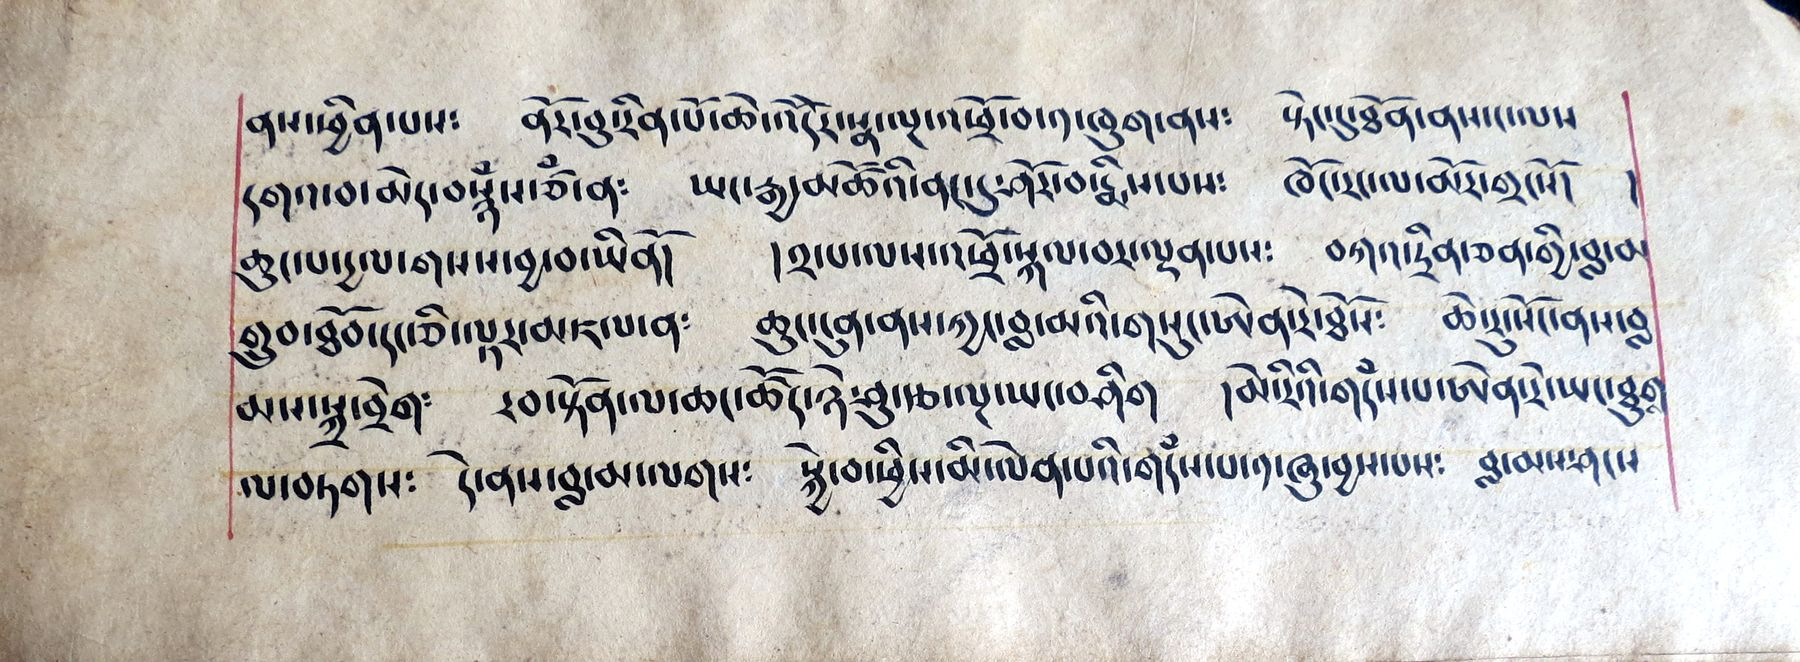ནས་ཕྱིན་པས། ནོར་བུ་རིན་པོ་ཆེ་འོད་ཟེར་སྣ་ལྔ་འཕྲོ་བ་ཅིག་ཁུག་ནས་སྟེང་དུ་ཐོན་ནས་ང་ལས་
དགའ་བ་མེད་སྙམ་ཙམ་ན། ཡང་རྒྱ་མཚོའི་ནང་དུ་ཤོར་བ་རྨིས་པས། ཁོང་རང་ལ་མོར་གྲོངས་སོ། 
ཆུང་བ་རྒྱལ་གསས་བྱ་བ་ཡིན་ནོ། །གཉིས་པ་ལས་འཕྲོ་དང་སྐལ་པར་ལྡན་པས། བཀའ་དྲིན་ཅན་གྱི་བླ་མ་
གྲུབ་ཐོབ་དང་ཇི་ལྟར་མཇལ་ན། ཆུང་ངུན་ནས་ཀྱང་བླ་མའི་གསུང་ཨེན་རེ་ཐོས་ཆེ་བར་སོང་ནས། བླ་
མས་སྐྲ་བྲེགས། རབ་སྟོན་ལ་ཆང་ཚོད་ཉི་ཤུ་རྩ་ལྔ་ཡང་བཤིག མེ་རིའི་གདམས་པ་ཨེན་རེ་ཡང་ཐུགས་
ལ་བཏགས། དེ་ནས་བླ་མ་ལགས་ངས་སྐྱེ་བ་ཕྱིས་མི་ལེན་པའི་གདམས་པ་ཞིག་ཞུ་བྱས་པས། བླ་མ་ཤངས་